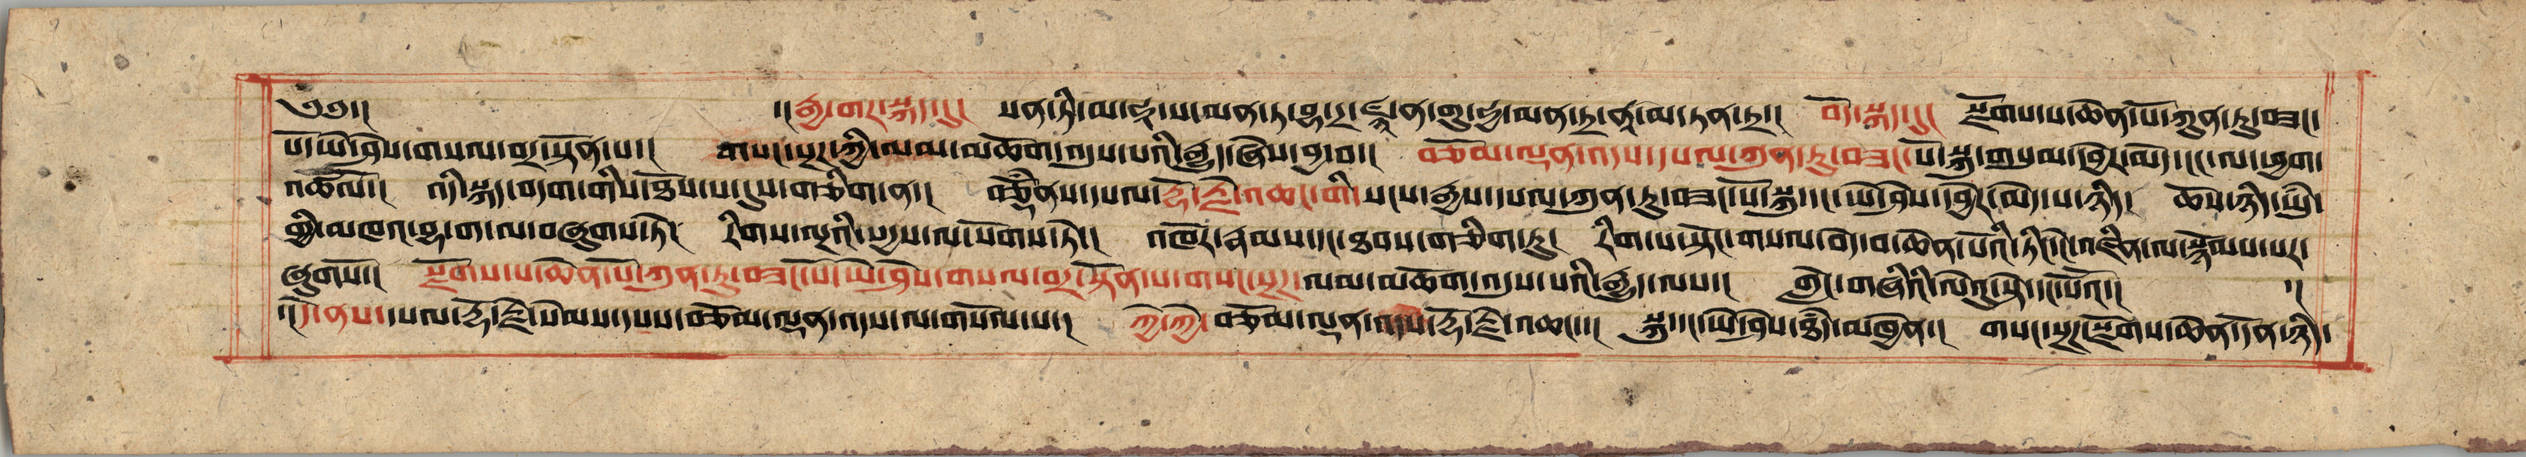༄༅་། ་།རྒྱ་གར་སྐད་དུ། སན་ཏི་མ་ཧཱ་ས་མན་ཏ་བྷ་དྲ་ཛྙཱ་ན་གུ་ཧྱ་མན་ཏྲ་ནཱ་མ་ཏན་ཏྲ་། བོད་སྐད་དུ། སྫོགས་པ་ཆེན་པོ་ཀུན་ཏུ་བཟང་
པོ་ཡེ་ཤེས་གསལ་བར་སྟོན་པ་། གསང་སྔཌ་ཀྱི་ལམ་མཆོག་འདུས་པའི་རྒྱུད་ཞེས་བྱ་བ་། བཅོམ་ལྡན་འདས་དཔལ་ཀུན་ཏུ་བཟང་པོ་སྐུ་གསུམ་དབྱེར་མདེ་ངང་ལ་ཕྱག་
འཚལོ་། འདི་སྐད་བདག་གིས་ཐོས་པ་དུས་གཅིག་ན་། བཅྡོཾནས་དཔལ་རྡོ་རྗེ་འཆང་གི་སངས་རྒྱས་དཔལ་ཀུན་ཏུ་བཟང་པོ་སྐུ་དང་ཡེ་ཤེས་དབྱེར་མེད་པ་ཉིད་། ཆོས་ཉིད་ཡུཾ་
གྱི་མཁའ་བྷ་ག་ལ་བཞུགས་ཏེ། རིགས་ལྔའི་སདྱས་ལ་སོགས་ཏེ་། འཁོར་རྣམས་དང་ཐབས་གཅིག་ཏུ། རིག་པ་སྟོང་གསལ་བདེ་བ་ཆེན་པོའི་ཏིང་ངེ་འཛིན་ལ་སྙོམས་པར་
ཞུགས་སོ་། སྫོགས་པ་ཆེན་པོ་ཀུན་ཏུ་བཟང་པོ་ཡེ་ཤེས་གསལ་བར་སྟོན་པ་གསང་སྔཌ་ལམ་མཆོག་འདུས་པའི་རྒྱུད་ལས་། གླེང་བཞིའི་ལེའུ་སྟེ་དང་པོའོ་། ་།
་།དེ་ནས་དཔལ་རྡོ་རྗེ་སེམས་དཔས་བཅོམ་ལྡན་འདས་ལ་གསོལ་པ་། ཀྱེ་ཀྱེ་བཅོམ་ལྡན་འདས་རྡོ་རྗེ་འཆང་་། སྐུ་དང་ཡེ་ཤེས་ཐཾད་མཁྱེན་། གསང་སྔཌ་སྫོགས་ཆེན་དོན་ཉིད་